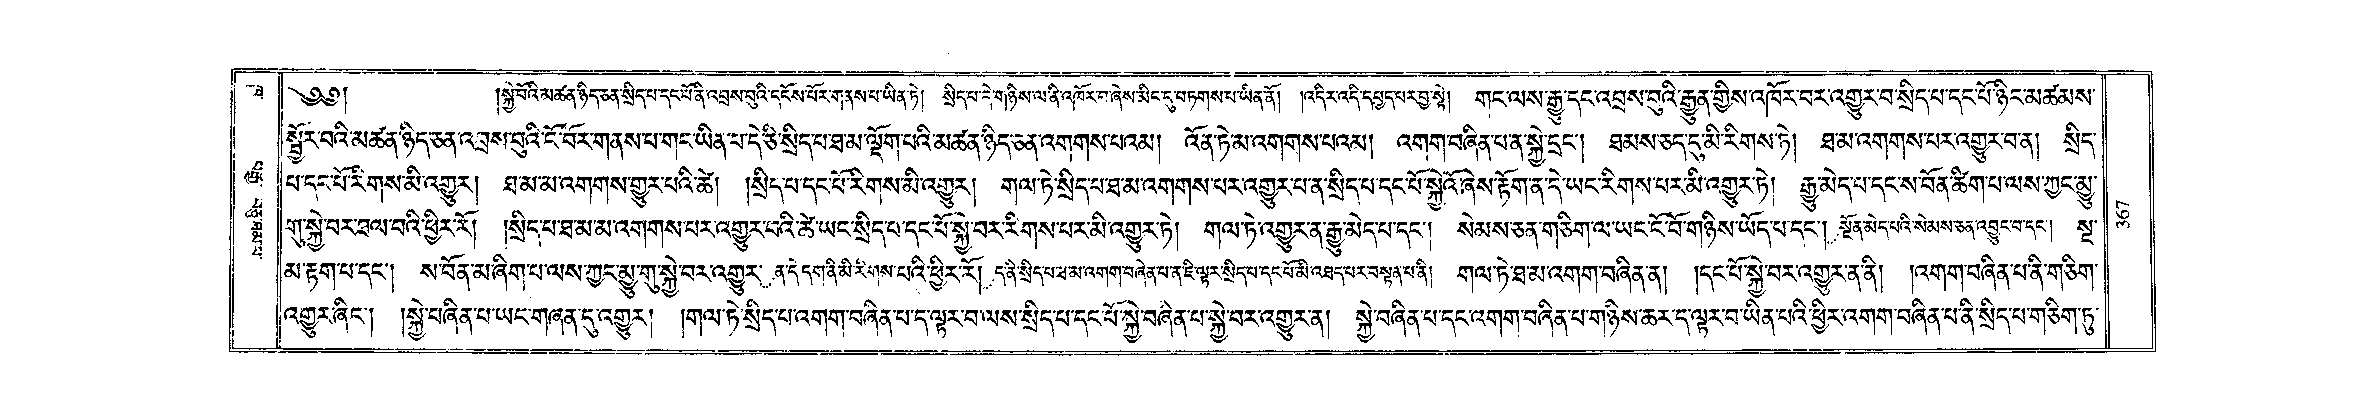༄༅། །སྐྱེ་བོའི་མཚན་ཉིད་ཅན་སྲིད་པ་དང་པོ་ནི་འབྲས་བུའི་དངོས་པོར་གནས་པ་ཡིན་ཏེ། སྲིད་པ་དེ་གཉིས་ལ་ནི་འཁོར་བ་ཞེས་མིང་དུ་བཏགས་པ་ཡིན་ནོ། །འདིར་འདི་དཔྱད་པར་བྱ་སྟེ། གང་ལས་རྒྱུ་དང་འབྲས་བུའི་རྒྱུན་གྱིས་འཁོར་བར་འགྱུར་བ་སྲིད་པ་དང་པོ་ཉིང་མཚམས་
སྦྱོར་བའི་མཚན་ཉིད་ཅན་འབྲས་བུའི་ངོ་བོར་གནས་པ་གང་ཡིན་པ་དེ་ཅི་སྲིད་པ་ཐ་མ་ལྡོག་པའི་མཚན་ཉིད་ཅན་འགགས་པའམ། འོན་ཏེ་མ་འགགས་པའམ། འགག་བཞིན་པ་ན་སྐྱེ་དྲང་། ཐམས་ཅད་དུ་མི་རིགས་ཏེ། ཐ་མ་འགགས་པར་འགྱུར་བ་ན། སྲིད་
པ་དང་པོ་རིགས་མི་འགྱུར། ཐ་མ་མ་འགགས་གྱུར་པའི་ཚེ། །སྲིད་པ་དང་པོ་རིགས་མི་འགྱུར། གལ་ཏེ་སྲིད་པ་ཐ་མ་འགགས་པར་འགྱུར་པ་ན་སྲིད་པ་དང་པོ་སྐྱེའོ་ཞེས་རྟོག་ན་དེ་ཡང་རིགས་པར་མི་འགྱུར་ཏེ། རྒྱུ་མེད་པ་དང་ས་བོན་ཚིག་པ་ལས་ཀྱང་མྱུ་
གུ་སྐྱེ་བར་ཐལ་བའི་ཕྱིར་རོ། །སྲིད་པ་ཐ་མ་མ་འགགས་པར་འགྱུར་བའི་ཚེ་ཡང་སྲིད་པ་དང་པོ་སྐྱེ་བར་རིགས་པར་མི་འགྱུར་ཏེ། གལ་ཏེ་འགྱུར་ན་རྒྱུ་མེད་པ་དང་། སེམས་ཅན་གཅིག་ལ་ཡང་ངོ་བོ་གཉིས་ཡོད་པ་དང་། སྔོན་མེད་པའི་སེམས་ཅན་འབྱུང་བ་དང་།  སྔ་
མ་རྟག་པ་དང་། ས་བོན་མ་ཞིག་པ་ལས་ཀྱང་མྱུ་གུ་སྐྱེ་བར་འགྱུར་ན་དེ་དག་ནི་མི་རིགས་པའི་ཕྱིར་རོ། ད་ནི་སྲིད་པ་ཐ་མ་འགག་བཞིན་པ་ན་ཇི་ལྟར་སྲིད་པ་དང་པོ་མི་འཐད་པར་བསྟན་པ་ནི།  གལ་ཏེ་ཐ་མ་འགག་བཞིན་ན། །དང་པོ་སྐྱེ་བར་འགྱུར་ན་ནི། །འགག་བཞིན་པ་ནི་གཅིག་
འགྱུར་ཞིང་། །སྐྱེ་བཞིན་པ་ཡང་གཞན་དུ་འགྱུར། །གལ་ཏེ་སྲིད་པ་འགག་བཞིན་པ་ད་ལྟར་བ་ལས་སྲིད་པ་དང་པོ་སྐྱེ་བཞིན་པ་སྐྱེ་བར་འགྱུར་ན། སྐྱེ་བཞིན་པ་དང་འགག་བཞིན་པ་གཉིས་ཆར་ད་ལྟར་བ་ཡིན་པའི་ཕྱིར་འགག་བཞིན་པ་ནི་སྲིད་པ་གཅིག་ཏུ་